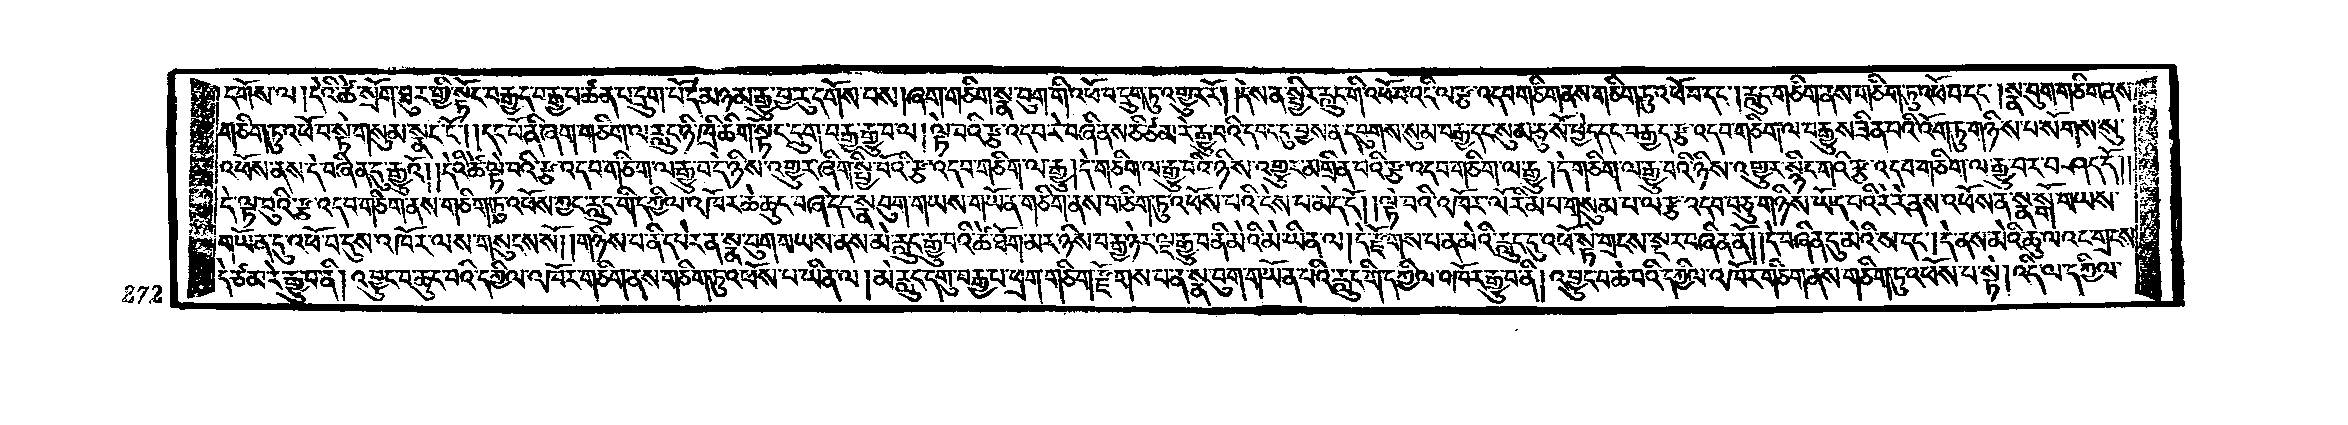དགོས་ལ། དེའི་ཚེ་སྲོག་ཐུར་གྱི་སྟོང་བརྒྱད་བརྒྱ་པ་ཚན་པ་དྲུག་པོ་དེ་མཉམ་རྒྱུ་བྱ་རུ་དགོས་པས། ཞག་གཅིག་སྣ་བུག་གི་འཕོ་བ་དྲུག་ཏུ་འགྱུར་རོ། །དེས་ན་སྤྱིར་རླུང་གི་འཕོ་བ་འདི་ལ་རྩ་འདབ་གཅིག་ནས་གཅིག་ཏུ་འཕོ་བ་དང་། རླུང་གཅིག་ནས་གཅིག་ཏུ་འཕོ་བ་དང་། སྣ་བུག་གཅིག་ནས་
གཅིག་ཏུ་འཕོ་བ་སྟེ་གསུམ་སྣང་ངོ། །དང་པོ་ནི་ཞག་གཅིག་ལ་རླུང་ཉི་ཁྲི་ཆིག་སྟོང་དྲུག་བརྒྱ་རྒྱུ་བ་ལ། ལྟེ་བའི་རྩ་འདབ་རེ་བཞི་ནས་ཅི་ཙམ་རེ་རྒྱུ་བའི་དབང་དུ་བྱས་ན་དབུགས་སུམ་བརྒྱ་དང་སུམ་ཅུ་སོ་ཕྱེད་དང་བརྒྱད་རྩ་འདབ་གཅིག་ལ་བརྒྱུས་ཟིན་པའི་འོག་ཏུ་གཉིས་པ་སོགས་སུ་
འཕོས་ནས་དེ་བཞིན་དུ་རྒྱུའོ། །དེའི་ཚེ་ལྟེ་བའི་རྩ་འདབ་གཅིག་ལ་རྒྱུ་བ་དེ་ཉིས་འགྱུར་ཞིག་སྤྱི་བོའི་རྩ་འདབ་གཅིག་ལ་རྒྱུ། དེ་གཅིག་ལ་རྒྱུ་བའི་ཉིས་འགྱུར་མགྲིན་པའི་རྩ་འདབ་གཅིག་ལ་རྒྱུ། དེ་གཅིག་ལ་རྒྱུ་བའི་ཉིས་འགྱུར་སྙིང་གའི་རྩ་འདབ་གཅིག་ལ་རྒྱུ་བར་བཤད་དོ། །
དེ་ལྟ་བུའི་རྩ་འདབ་གཅིག་ནས་གཅིག་ཏུ་འཕོས་ཀྱང་རླུང་གི་དཀྱིལ་འཁོར་ཆེ་ཆུང་བཞི་དང་སྣ་བུག་གཡས་གཡོན་གཅིག་ནས་གཅིག་ཏུ་འཕོས་པའི་ངེས་པ་མེད་དོ། །ལྟེ་བའི་འཁོར་ལོ་རིམ་པ་གསུམ་པ་ལ་རྩ་འདབ་བཅུ་གཉིས་ཡོད་པའི་རེ་རེ་ནས་འཕོས་ན་སྣ་སྒོ་གཡས་
གཡོན་དུ་འཕོ་བ་དུས་འཁོར་ལས་གསུངས་སོ། །གཉིས་པ་ནི་དཔེར་ན་སྣ་བུག་གཡས་ནས་མེ་རླུང་རྒྱུ་བའི་ཚེ་ཐོག་མར་ཉིས་བརྒྱ་ཉེར་ལྔ་རྒྱུ་བ་ནི་མེའི་མེ་ཡིན་ལ། དེ་རྫོགས་པ་ན་མེའི་རླུང་དུ་འཕོ་སྟེ་གྲངས་སྔར་བཞིན་ནོ། །དེ་བཞིན་དུ་མེའི་ས་དང་། དེ་ནས་མེའི་ཆུ་ལའང་གྲངས་
དེ་ཙམ་རེ་རྒྱུ་བ་ནི། འབྱུང་བ་ཆུང་བའི་དཀྱིལ་འཁོར་གཅིག་ནས་གཅིག་ཏུ་འཕོས་པ་ཡིན་ལ། མེ་རླུང་དགུ་བརྒྱ་པ་ཕྲག་གཅིག་རྫོགས་པ་ན་སྣ་བུག་གཡོན་པའི་རླུང་གི་དཀྱིལ་འཁོར་རྒྱུ་བ་ནི། འབྱུང་བ་ཆེ་བའི་དཀྱིལ་འཁོར་གཅིག་ནས་གཅིག་ཏུ་འཕོས་པ་སྟེ། འདི་ལ་དཀྱིལ་